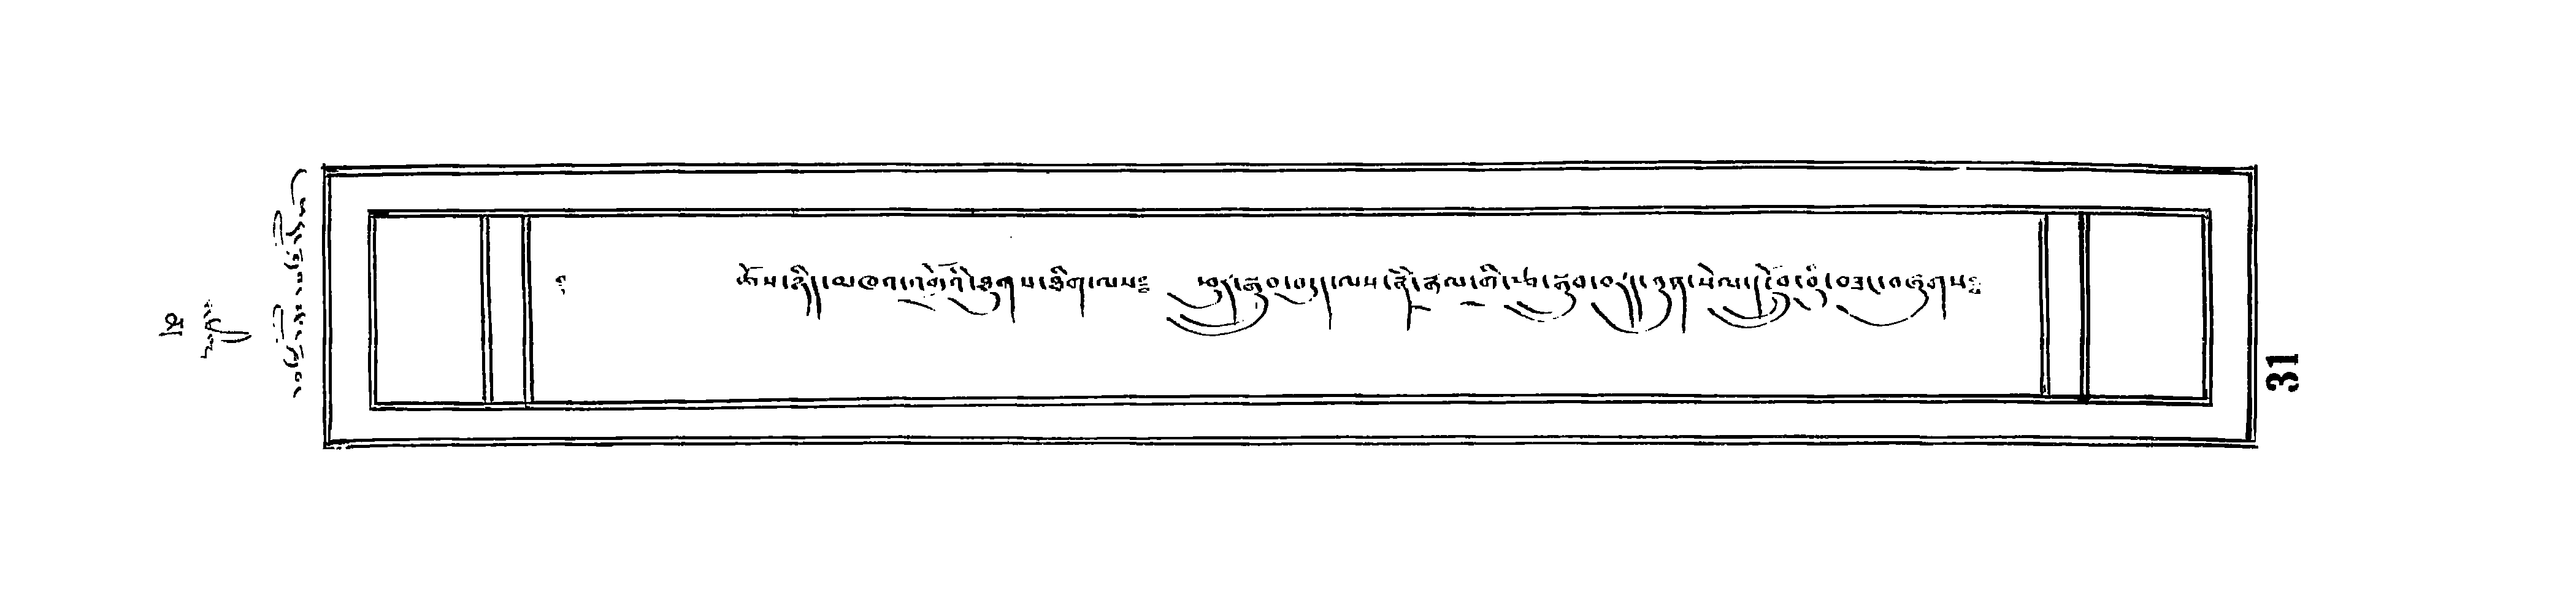ཆོས་ཉིད་མཁའ་འགྲོའི་ཐུགས་ཐིག་ལས༔ ཕུར་སྒྲུབ་བདུད་ལས་རྣམ་རྒྱལ་གྱི་རྩ་སྒྲུབ་བར་ཆད་ཀུན་སེལ་དངོས་གྲུབ་བུམ་བཟང་བཞུགས༔